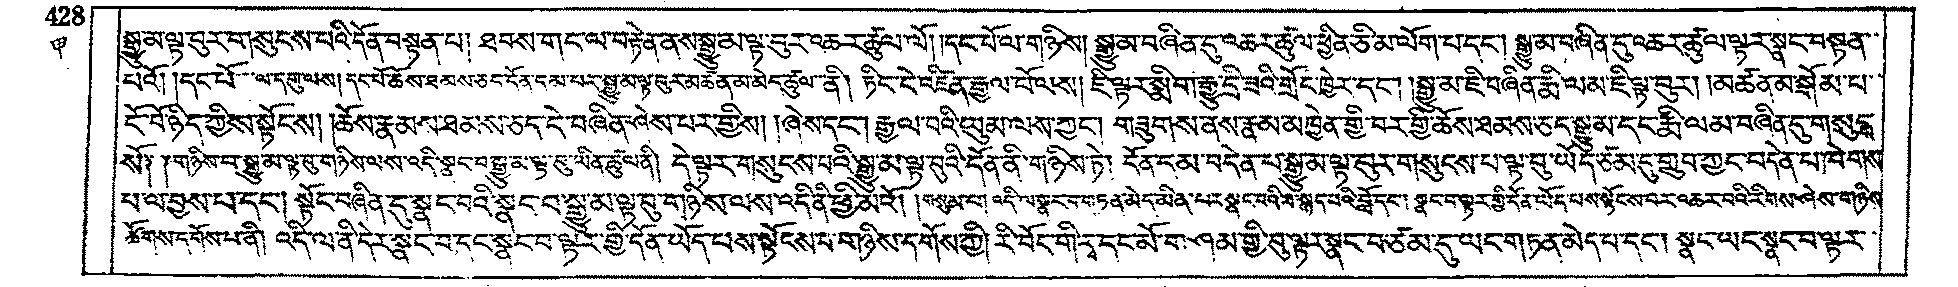སྒྱུ་མ་ལྟ་བུར་གསུངས་པའི་དོན་བསྟན་པ། ཐབས་གང་ལ་བརྟེན་ནས་སྒྱུ་མ་ལྟ་བུར་འཆར་ཚུལ་ལོ། །དང་པོ་ལ་གཉིས། སྒྱུ་མ་བཞིན་དུ་འཆར་ཚུལ་ཕྱིན་ཅི་མ་ལོག་པ་དང་། སྒྱུ་མ་བཞིན་དུ་འཆར་ཚུལ་ལྟར་སྣང་བསྟན་
པའོ། །དང་པོལ་དགུ་ལས། དང་པོ་ཆོས་ཐམས་ཅད་དོན་དམ་པར་སྒྱུ་མ་ལྟ་བུར་མཚན་མ་མེད་ཚུལནི། ཏིང་ངེ་འཛིན་རྒྱལ་པོ་ལས། ཇི་ལྟར་སྨིག་རྒྱུ་དྲི་ཟའི་གྲོང་ཁྱེར་དང་། །སྒྱུ་མ་ཇི་བཞིན་རྨི་ལམ་ཇི་ལྟ་བུར། །མཚན་མ་སྒོམ་པ་
ངོ་བོ་ཉིད་ཀྱིས་སྟོངས། །ཆོས་རྣམས་ཐམས་ཅད་དེ་བཞིན་ཤེས་པར་གྱིས། །ཞེས་དང་། རྒྱལ་བའི་ཡུམ་ལས་ཀྱང་། གཟུགས་ནས་རྣམ་མཁྱེན་གྱི་བར་གྱི་ཆོས་ཐམས་ཅད་སྒྱུ་མ་དང་རྨི་ལམ་བཞིན་དུ་གསུངས་
སོ༑ ༑ གཉིས་པ་སྒྱུ་མ་ལྟ་བུ་གཉིས་ལས་འདི་སྣང་བ་སྒྱུ་མ་ལྟ་བུ་ཡིན་ཚུལ་ནི།  དེ་ལྟར་གསུངས་པའི་སྒྱུ་མ་ལྟ་བུའི་དོན་ནི་གཉིས་ཏེ། དོན་དམ་བདེན་པ་སྒྱུ་མ་ལྟ་བུར་གསུངས་པ་ལྟ་བུ་ཡོད་ཙམ་དུ་གྲུབ་ཀྱང་བདེན་པ་ཁེགས་
པ་ལ་བྱས་པ་དང་། སྟོང་བཞིན་དུ་སྣང་བའི་སྣང་བ་སྒྱུ་མ་ལྟ་བུ་གཉིས་ལས་འདི་ནི་ཕྱི་མའོ། ངྶུམ་པ། འདི་ལ་སྣང་བ་གཏན་མེད་མིན་པར་སྣང་བའི་ཐ་སྙད་པའི་བློ་དང་། སྣང་བ་ལྟར་གྱི་དོན་ཡོད་པས་སྟོངས་པར་འཆར་བའི་རིགས་ཤེས་གཉིས་
ཚོགས་དགོས་པ་ནི། འདི་ལ་ནི་དེར་སྣང་བ་དང་སྣང་བ་ལྟར་གྱི་དོན་ཡོད་པས་སྟོངས་པ་གཉིས་དགོས་ཀྱི། རི་བོང་གི་རྭ་དང་མོ་གཤམ་གྱི་ལྟ་བུ་ལྟར་སྣང་བ་ཙམ་དུ་ཡང་གཏན་མེད་པ་དང་། སྣང་ཡང་སྣང་བ་ལྟར་